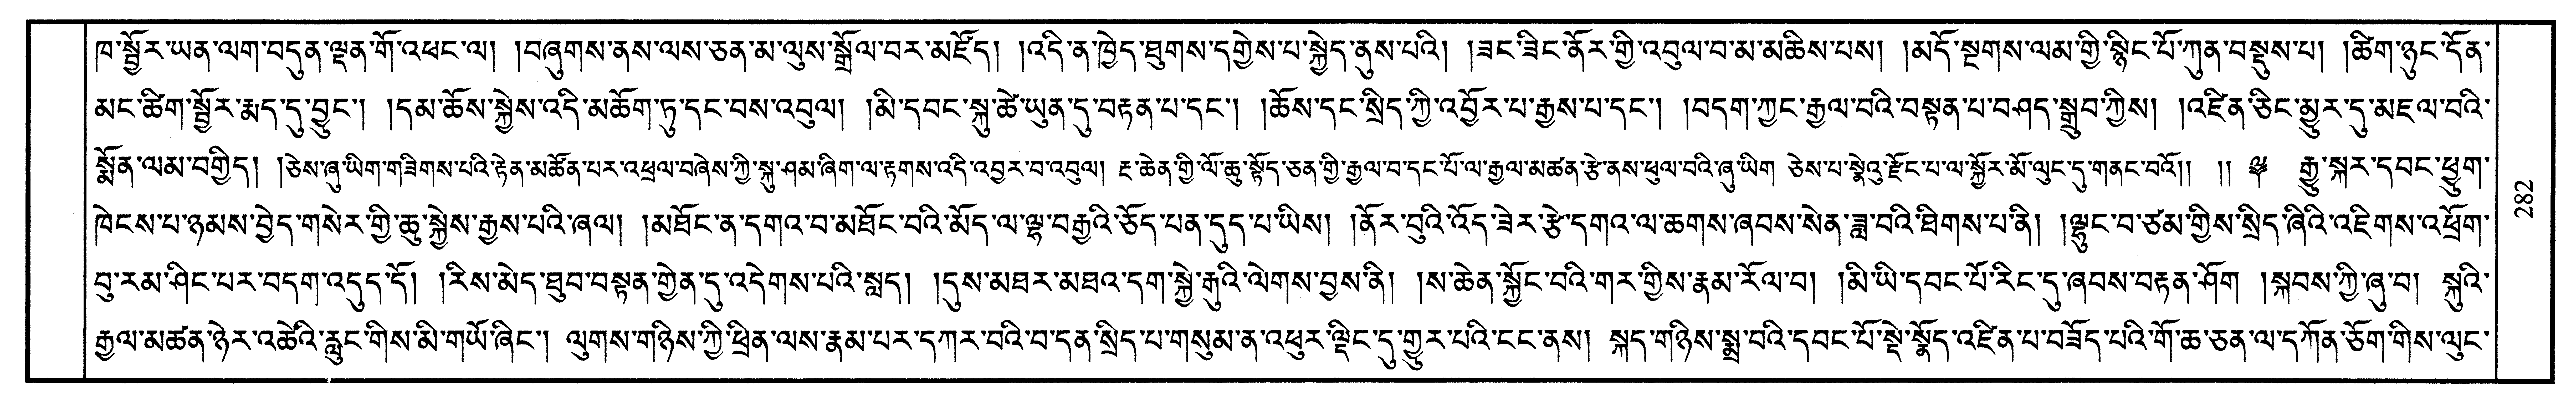ཁ་སྦྱོར་ཡན་ལག་བདུན་ལྡན་གོ་འཕང་ལ། །བཞུགས་ནས་ལས་ཅན་མ་ལུས་སྒྲོལ་བར་མཛོད། །འདི་ན་ཁྱེད་ཐུགས་དགྱེས་པ་སྐྱེད་ནུས་པའི། །ཟང་ཟིང་ནོར་གྱི་འབུལ་བ་མ་མཆིས་པས། །མདོ་སྔགས་ལམ་གྱི་སྙིང་པོ་ཀུན་བསྡུས་པ། །ཚིག་ཉུང་དོན་
མང་ཚིག་སྦྱོར་རྨད་དུ་བྱུང་། །དམ་ཆོས་སྐྱེས་འདི་མཆོག་ཏུ་དང་བས་འབུལ། །མི་དང་སྐུ་ཚེ་ཡུན་དུ་བརྟན་པ་དང་། །ཆོས་དང་སྲིད་ཀྱི་འབྱོར་པ་རྒྱས་པ་དང་། །བདག་ཀྱང་རྒྱལ་བའི་བསྟན་པ་བཤད་སྒྲུབ་ཀྱིས། །འཛིན་ཅིང་མྱུར་དུ་མཇལ་བའི་
སྨོན་ལམ་བགྱིད། །ཅེས་ཞུ་ཡིག་གཟིགས་པའི་རྟེན་མཚོན་པར་འཕྲལ་བཞེས་ཀྱི་སྐུ་ཤམ་ཞིག་ལ་རྟགས་འདི་འབྱར་བ་འབུལ། རྔ་ཆེན་གྱི་ལོ་ཆུ་སྟོད་ཅན་གྱི་རྒྱལ་བ་དང་པོ་ལ་རྒྱལ་མཚན་རྩེ་ནས་ཕུལ་བའི་ཞུ་ཡིག་ཅེས་པ་སྣེའུ་རྫོང་པ་ལ་སྐྱོར་མོ་ལུང་དུ་གནང་བའོ།། །། ༈ རྒྱུ་སྐར་དབང་ཕྱུག་
ཁེངས་པ་ཉམས་བྱེད་གསེར་གྱི་ཆུ་སྐྱེས་རྒྱས་པའི་ཞལ། །མཐོང་ན་དགའ་བ་མཐོང་བའི་མོད་ལ་ལྷ་བརྒྱའི་ཅོད་པན་དུད་པ་ཡིས། །ནོར་བུའི་འོད་ཟེར་རྩེ་དགའ་ལ་ཆགས་ཞབས་སེན་ཟླ་བའི་ཐིགས་པ་ནི། །ལྷུང་བ་ཙམ་གྱིས་སྲིད་ཞིའི་འཇིགས་འཕྲོག་
བུ་རམ་ཤིང་པར་བདག་འདུད་དོ། །རིས་མེད་ཐུབ་བསྟན་གྱེན་དུ་འདེགས་པའི་སླད། །དུས་མཐར་མཐའ་དག་སྐྱེ་རྒུའི་ལེགས་བྱས་ནི། །ས་ཆེན་སྐྱོང་བའི་གར་གྱིས་རྣམ་རོལ་བ། །མི་ཡི་དབང་པོ་རིང་དུ་ཞབས་བརྟན་ཤོག །སྐབས་ཀྱི་ཞུ་བ། སྐུའི་
རྒྱལ་མཚན་ཉེར་འཚེའི་རླུང་གིས་མི་གཡོ་ཞིང་། ལུགས་གཉིས་ཀྱི་ཕྲིན་ལས་རྣམ་པར་དཀར་བའི་བ་དན་སྲིད་པ་གསུམ་ན་འཕུར་ལྡིང་དུ་གྱུར་པའི་ངང་ནས། སྐད་གཉིས་སྨྲ་བའི་དབང་པོ་སྡེ་སྣོད་འཛིན་པ་བཟོད་པའི་གོ་ཆ་ཅན་ལ་དཀོན་ཅོག་གིས་ལུང་